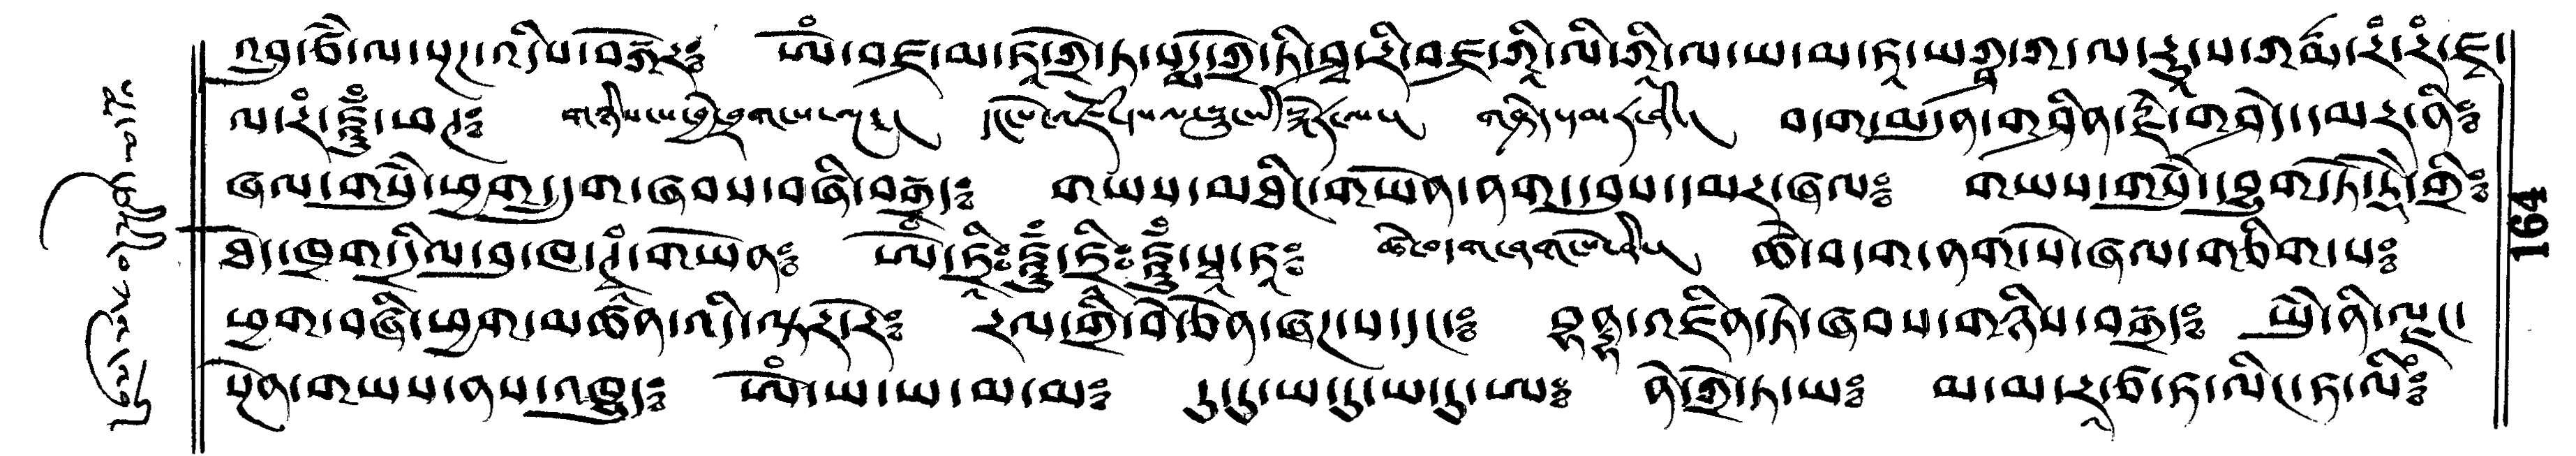འབྲུ་ཙམ་ལ་སྔགས་འདིས་བསྐོར༔ ཨོཾ་བཛྲ་མ་ཧཱ་ཀྲོ་དྷ་པདྨ་ཀྲོ་དྷི་ཤྭ་རི་བཛྲ་ཀཱི་ལི་ཀཱི་ལ་ཡ་མ་ཧཱ་ཡཀྴ་ཀ་ལ་རཱུ་པ་ཀརྨ་རཾ་རཾ་ཛྭ་
ལ་རཾ་ཧཱུྃ་ཕཊ༔ གཉིས་པ་བྱེ་བྲག་པ་ལྔ། དང་པོ་འཇམ་དཔལ་སྐུ་ཡི་སྐོར་ལ། གཤེད་དམར་ནི། བདག་མདུན་གཤིན་རྗེ་གཤེད་དམར་ནི༔ 
ཞལ་གསུམ་ཕྱག་དྲུག་ཞབས་བཞི་བསྒྲད༔ གཡས་མཐིང་གཡོན་ནག་དབུས་དམར་ཞལ༔ གཡས་གསུམ་དབྱུག་རྡོ་རྡོ་རྗེ་གྲི༔ 
ཐོད་ཁྲག་དྲིལ་བུ་ཁ་ཊྭཾ་གཡོན༔ ཨོཾ་ཧྲཱིཿཧཱུྃ་ཧྲཱིཿཧཱུྃ་སྭ་ཧཱ༔ ཚེ་བདག་ནག་པོ་ནི། ཚེ་བདག་ནག་པོ་ཞལ་གཅིག་པ༔ 
ཕྱག་བཞི་ཕྱག་མཚན་འདི་ལྟར་རོ༔ རལ་གྲི་བེ་ཅོན་ཞགས་པ་དང༔ བྷནྡྷ་འཛིན་ཏེ་ཞབས་གཉིས་བསྒྲད༔ ཡུམ་ནི་ལྗང་
སྔོན་གཡས་ནས་འཁྱུད༔ ཨོཾ་ཡ་ཡ་མ་མ༔ དུ་དུ་ཡ་དུ་ཡ་དུ་ཨ༔ ནེ་ཀྲོ་དྷ་ཡ༔ མ་མ་རཱ་ཙ་ཧ་ལིང་ཧ་ལིཾ༔